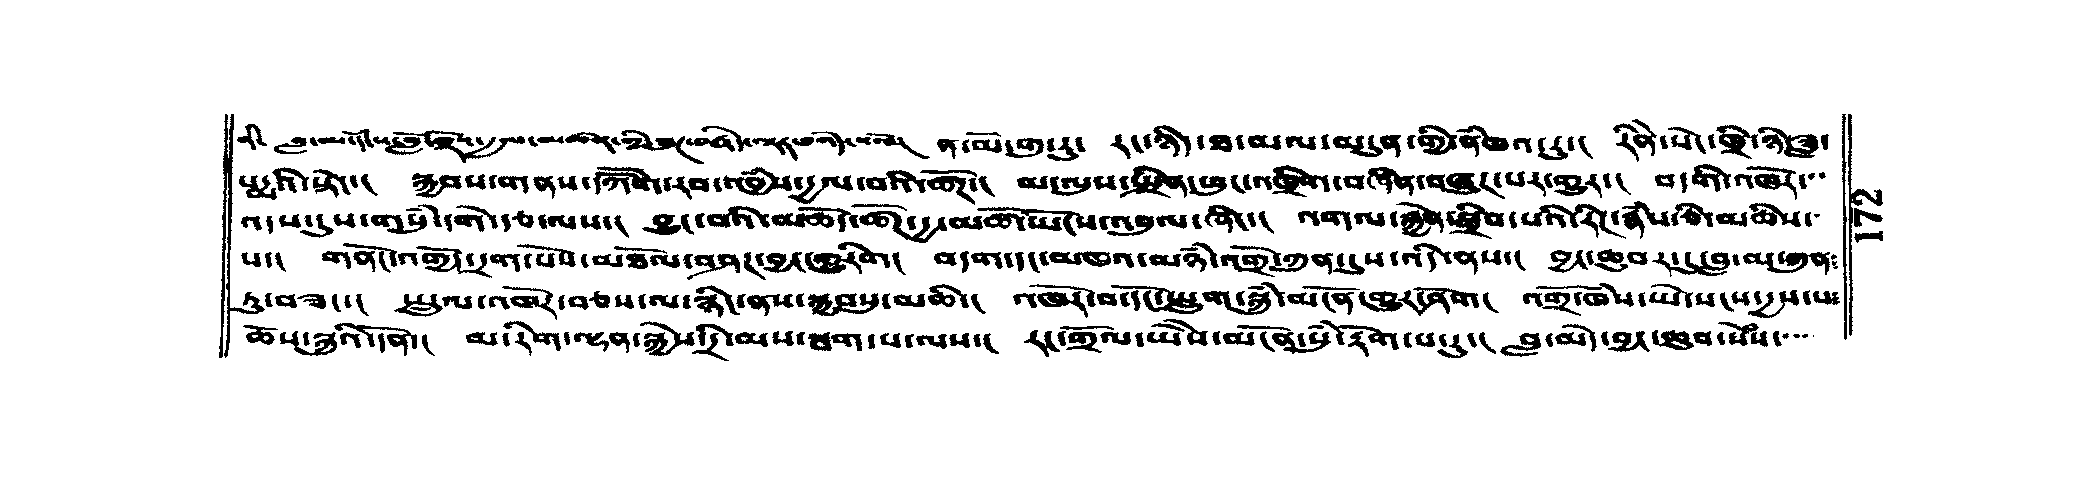ནི། བླ་མ་དམ་པ་བློ་གྲོས་རྒྱལ་མཚན་གྱི་ཐུགས་བཞེད་ལྟར་བཀོད་པའོ།། ན་མོ་གུ་རུ། རང་ཉིད་ཐ་མལ་མདུན་གྱི་ནམ་མཁའ་རུ། །རིན་ཆེན་སེང་ཁྲི་ཉི་ཟླ་
པདྨའི་སྟེང་། །སྐྱབས་གནས་དཀོན་མཆོག་རབ་འབྱམས་རྒྱལ་བའི་ཚོགས། །མ་ལུས་སྤྲིན་ཕུང་འཁྲིགས་བཞིན་བཞུགས་པར་གྱུར། །བདག་གི་འཁོར་
འདས་དུས་གསུམ་དགེ་རྩ་ལས། །བྱུང་བའི་མཆོད་ཚོགས་རྒྱ་མཚོ་ཡོངས་འབུལ་ཞིང་། །འགལ་རྐྱེན་སྒྲིབ་པའི་རིགས་རྣམས་ཅི་མཆིས་
པ། །གནོང་འགྱོད་དྲག་པོས་མཐོལ་བཤགས་བྱང་གྱུར་ཅིག།བདག་དང་མཁའ་མཉམ་འགྲོ་ཀུན་དུས་འདི་ནས། །བྱང་ཆུབ་བར་དུ་བླ་མ་ཀུན་
ཏུ་བཟང་། །སྤྲུལ་འཁོར་བཅས་ལ་སྙིང་ནས་སྐྱབས་སུ་མཆི། །འཁོར་བ་དོང་སྤྲུགས་སྐུ་གསུམ་མངོན་གྱུར་ཤོག །འགྲོ་ཁམས་ཡེ་སངས་རྒྱས་པ་
ཆོས་སྐུའི་དོན། །མ་རིག་ལྷན་སྐྱེས་དྲི་མས་སྦགས་པ་ལས། །རང་གྲོལ་ཡེ་ཤེས་མངོན་སུམ་རྟོགས་པ་རུ། །བླ་མེད་བྱང་ཆུབ་སེམས་